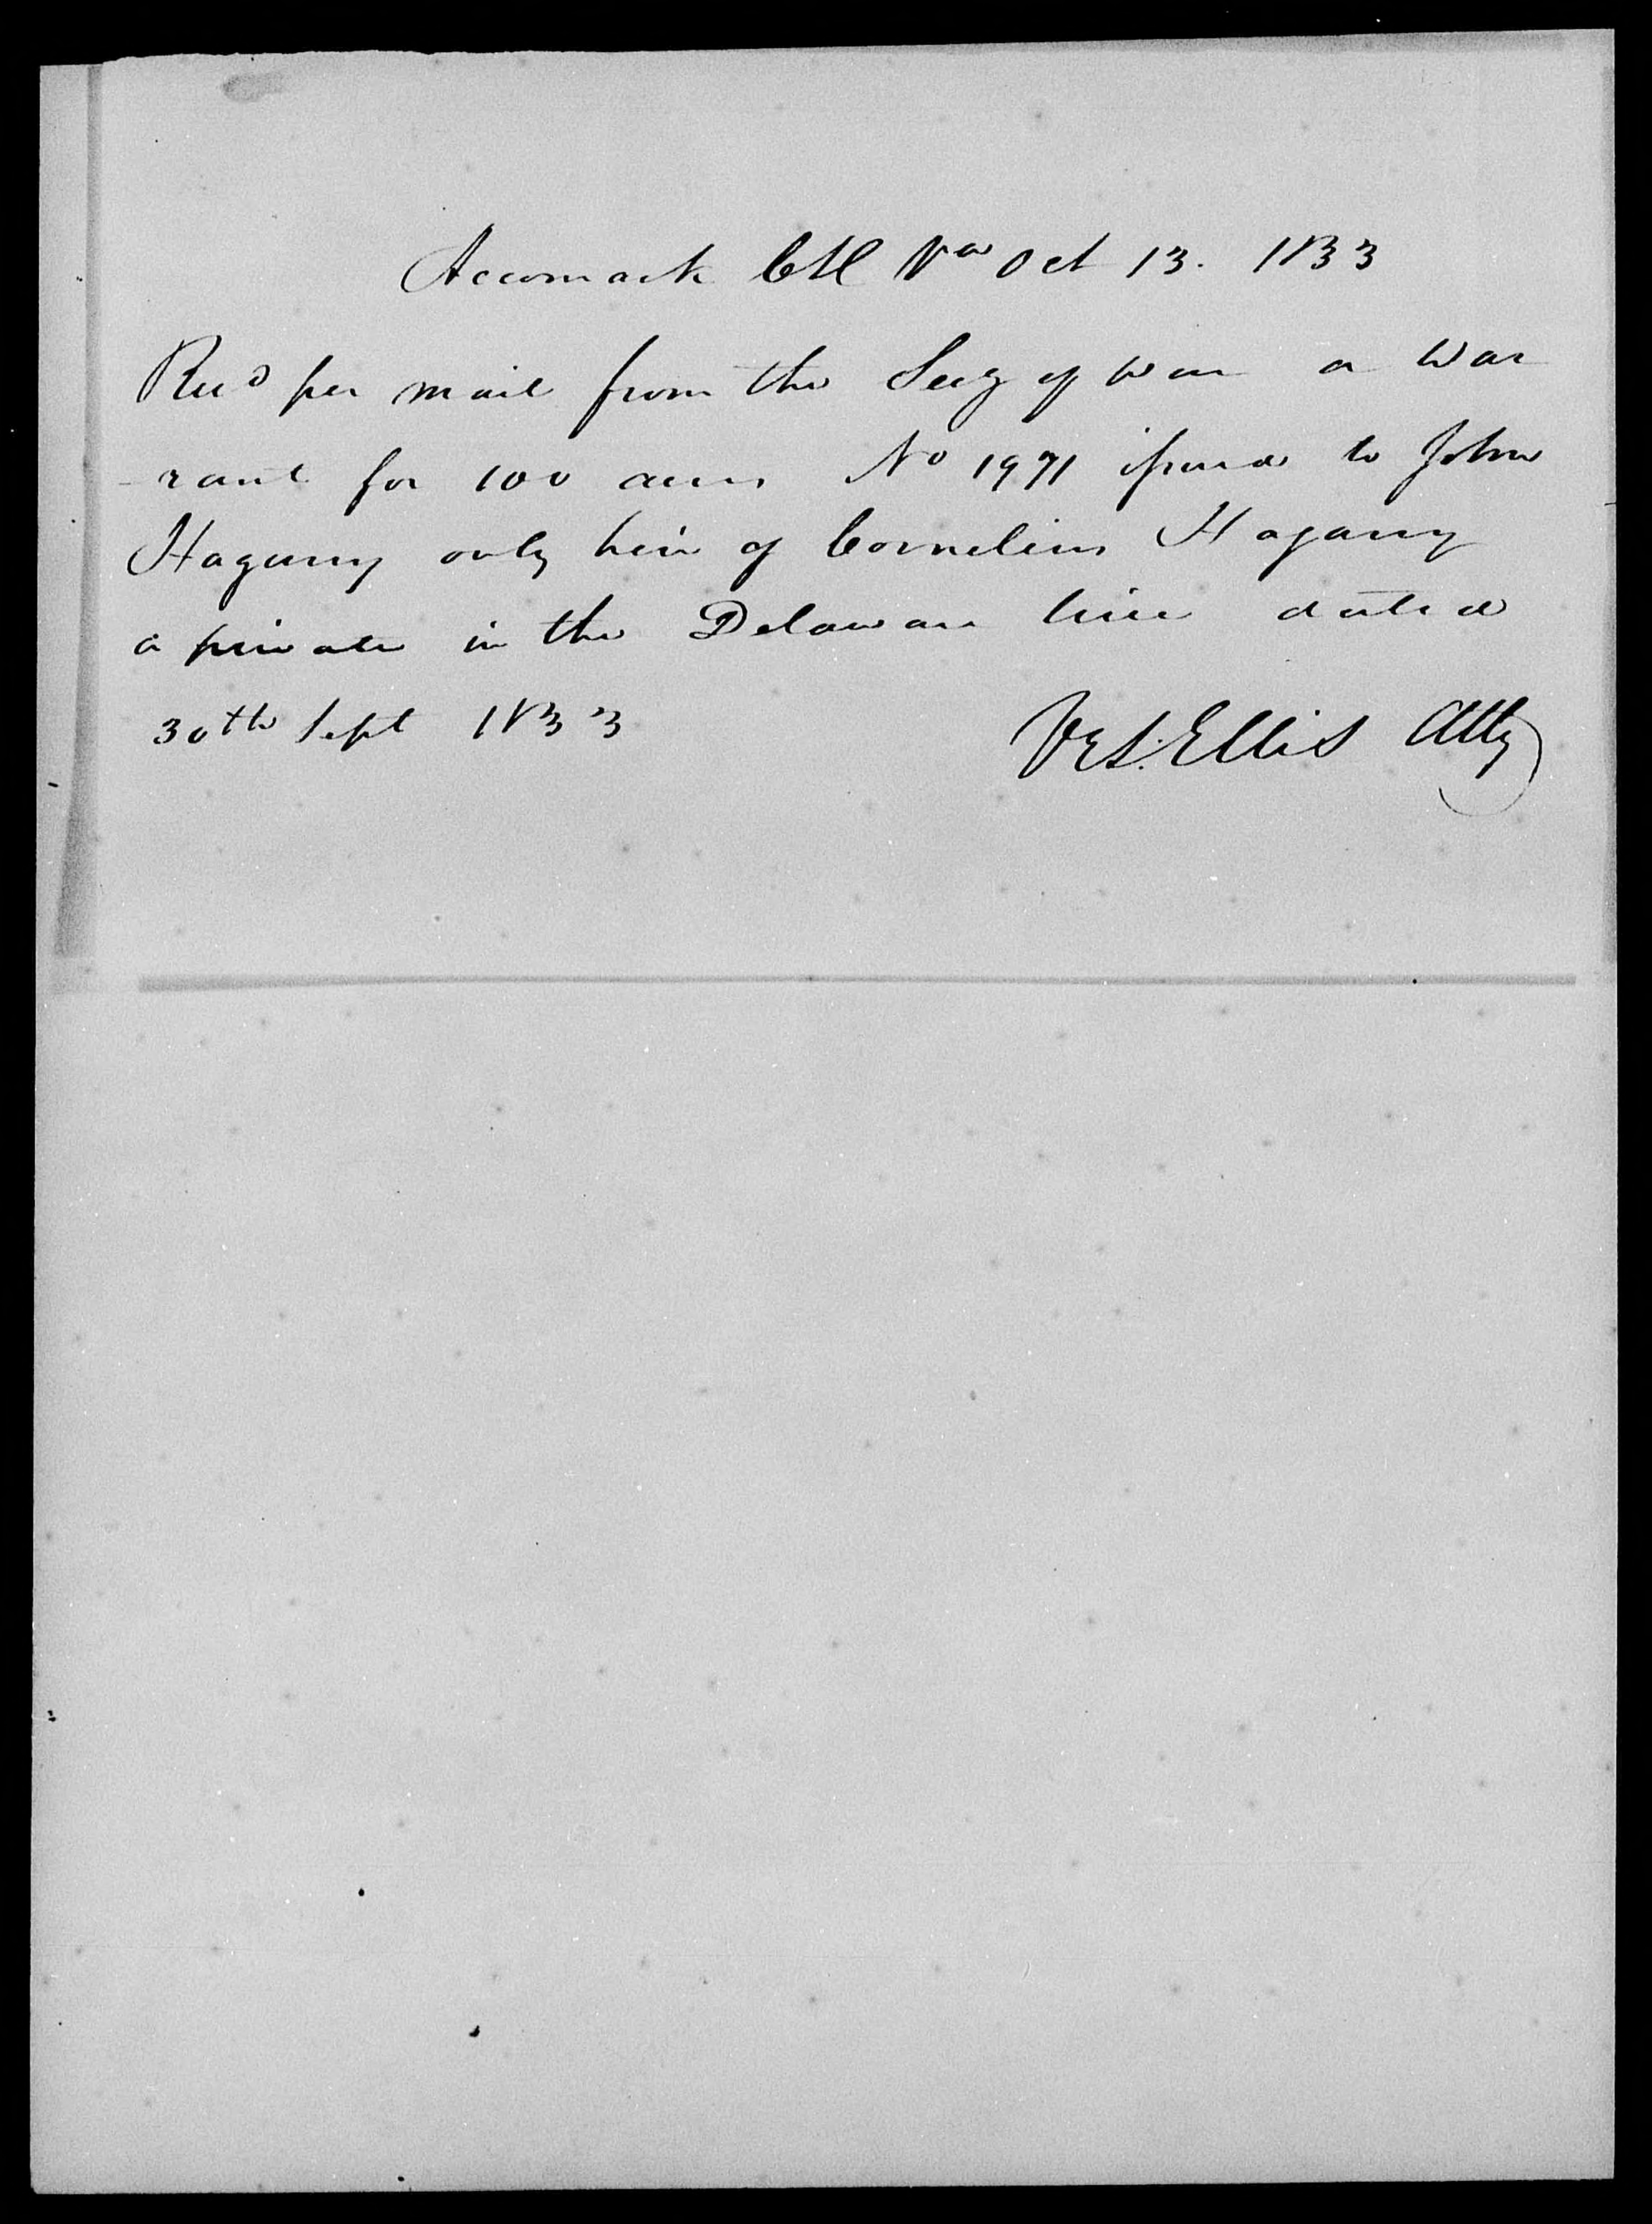Accomack CH Va Oct 13 1833

Rec'd per mail from the Secy of War a War
Grant for 100 acres No 1971 issued to John
Hagany only heir of Cornelius Hagany
a private in the Delaware line dated
30th Sept 1833
(??) Ellis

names: Ves Ellis, John Hagany, Cornelius Hagany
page: 2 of 6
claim: bounty land warrant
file: B. L. Wt. 1971-100, Cornelius Hagany, Del.